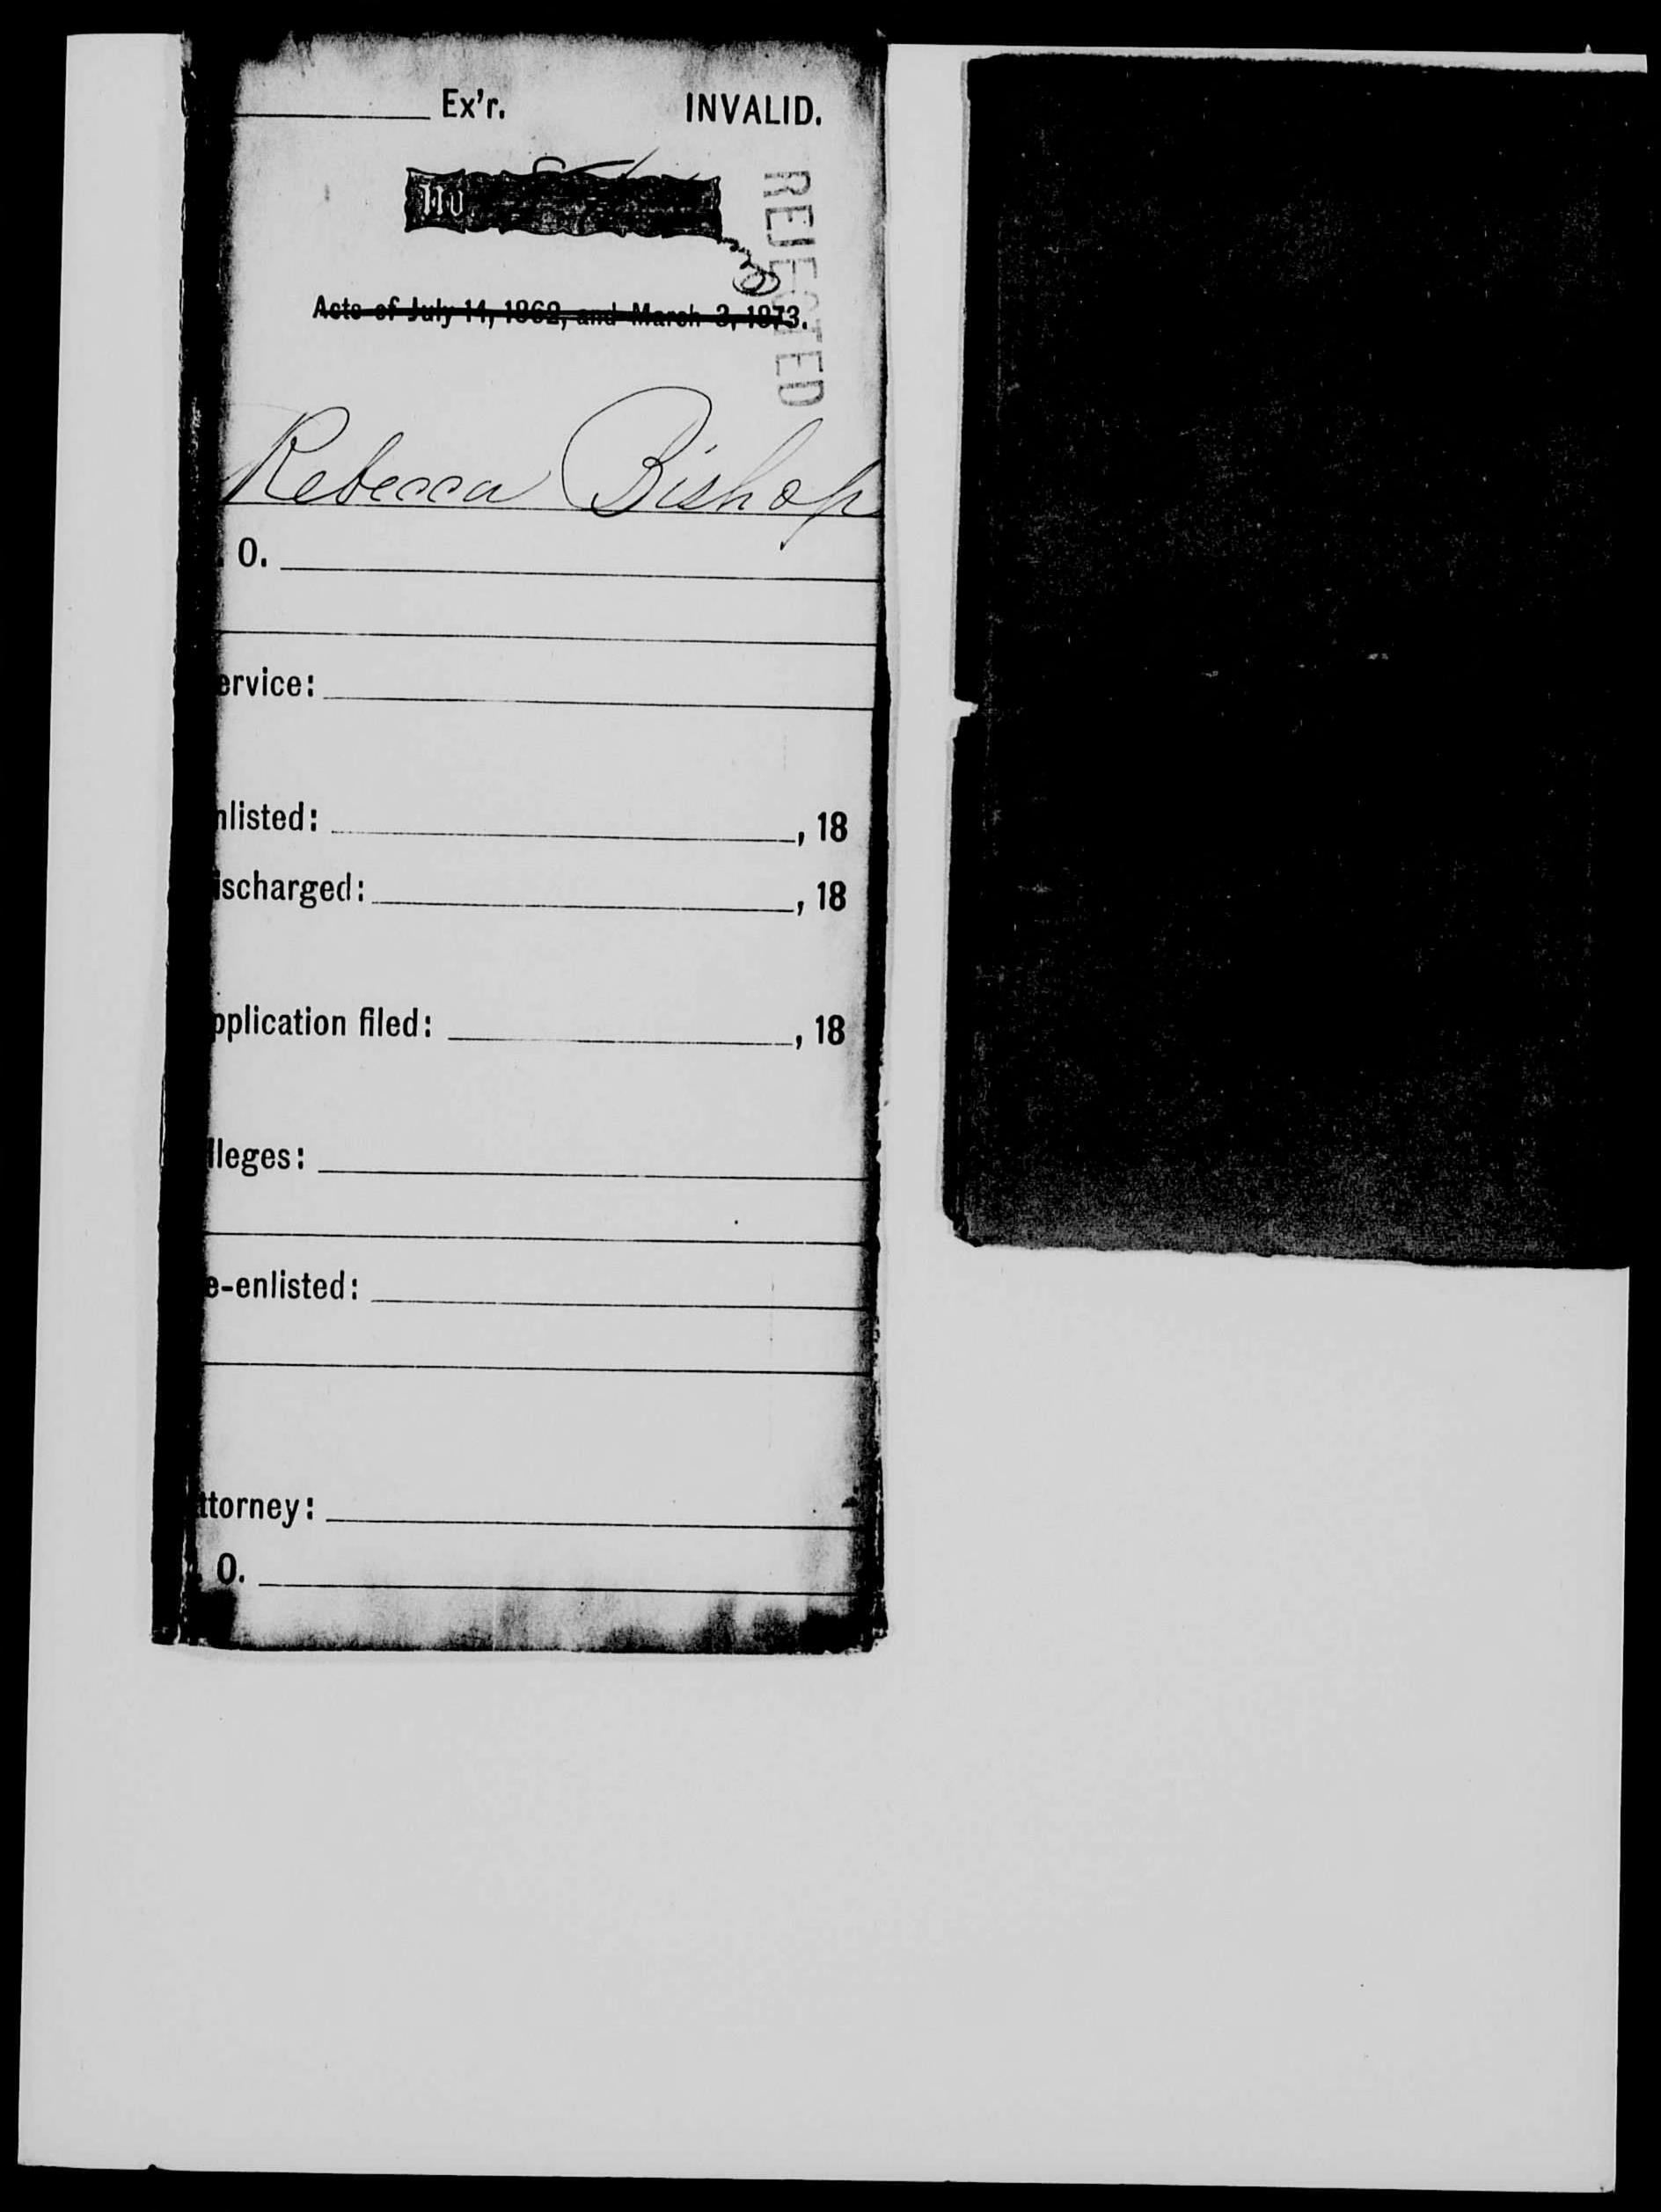INVALID
REJECTED
Rebecca Bishop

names: Rebecca Bishop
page: 11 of 27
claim: rejected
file: R. 865, Napthala Bishop, Vt.